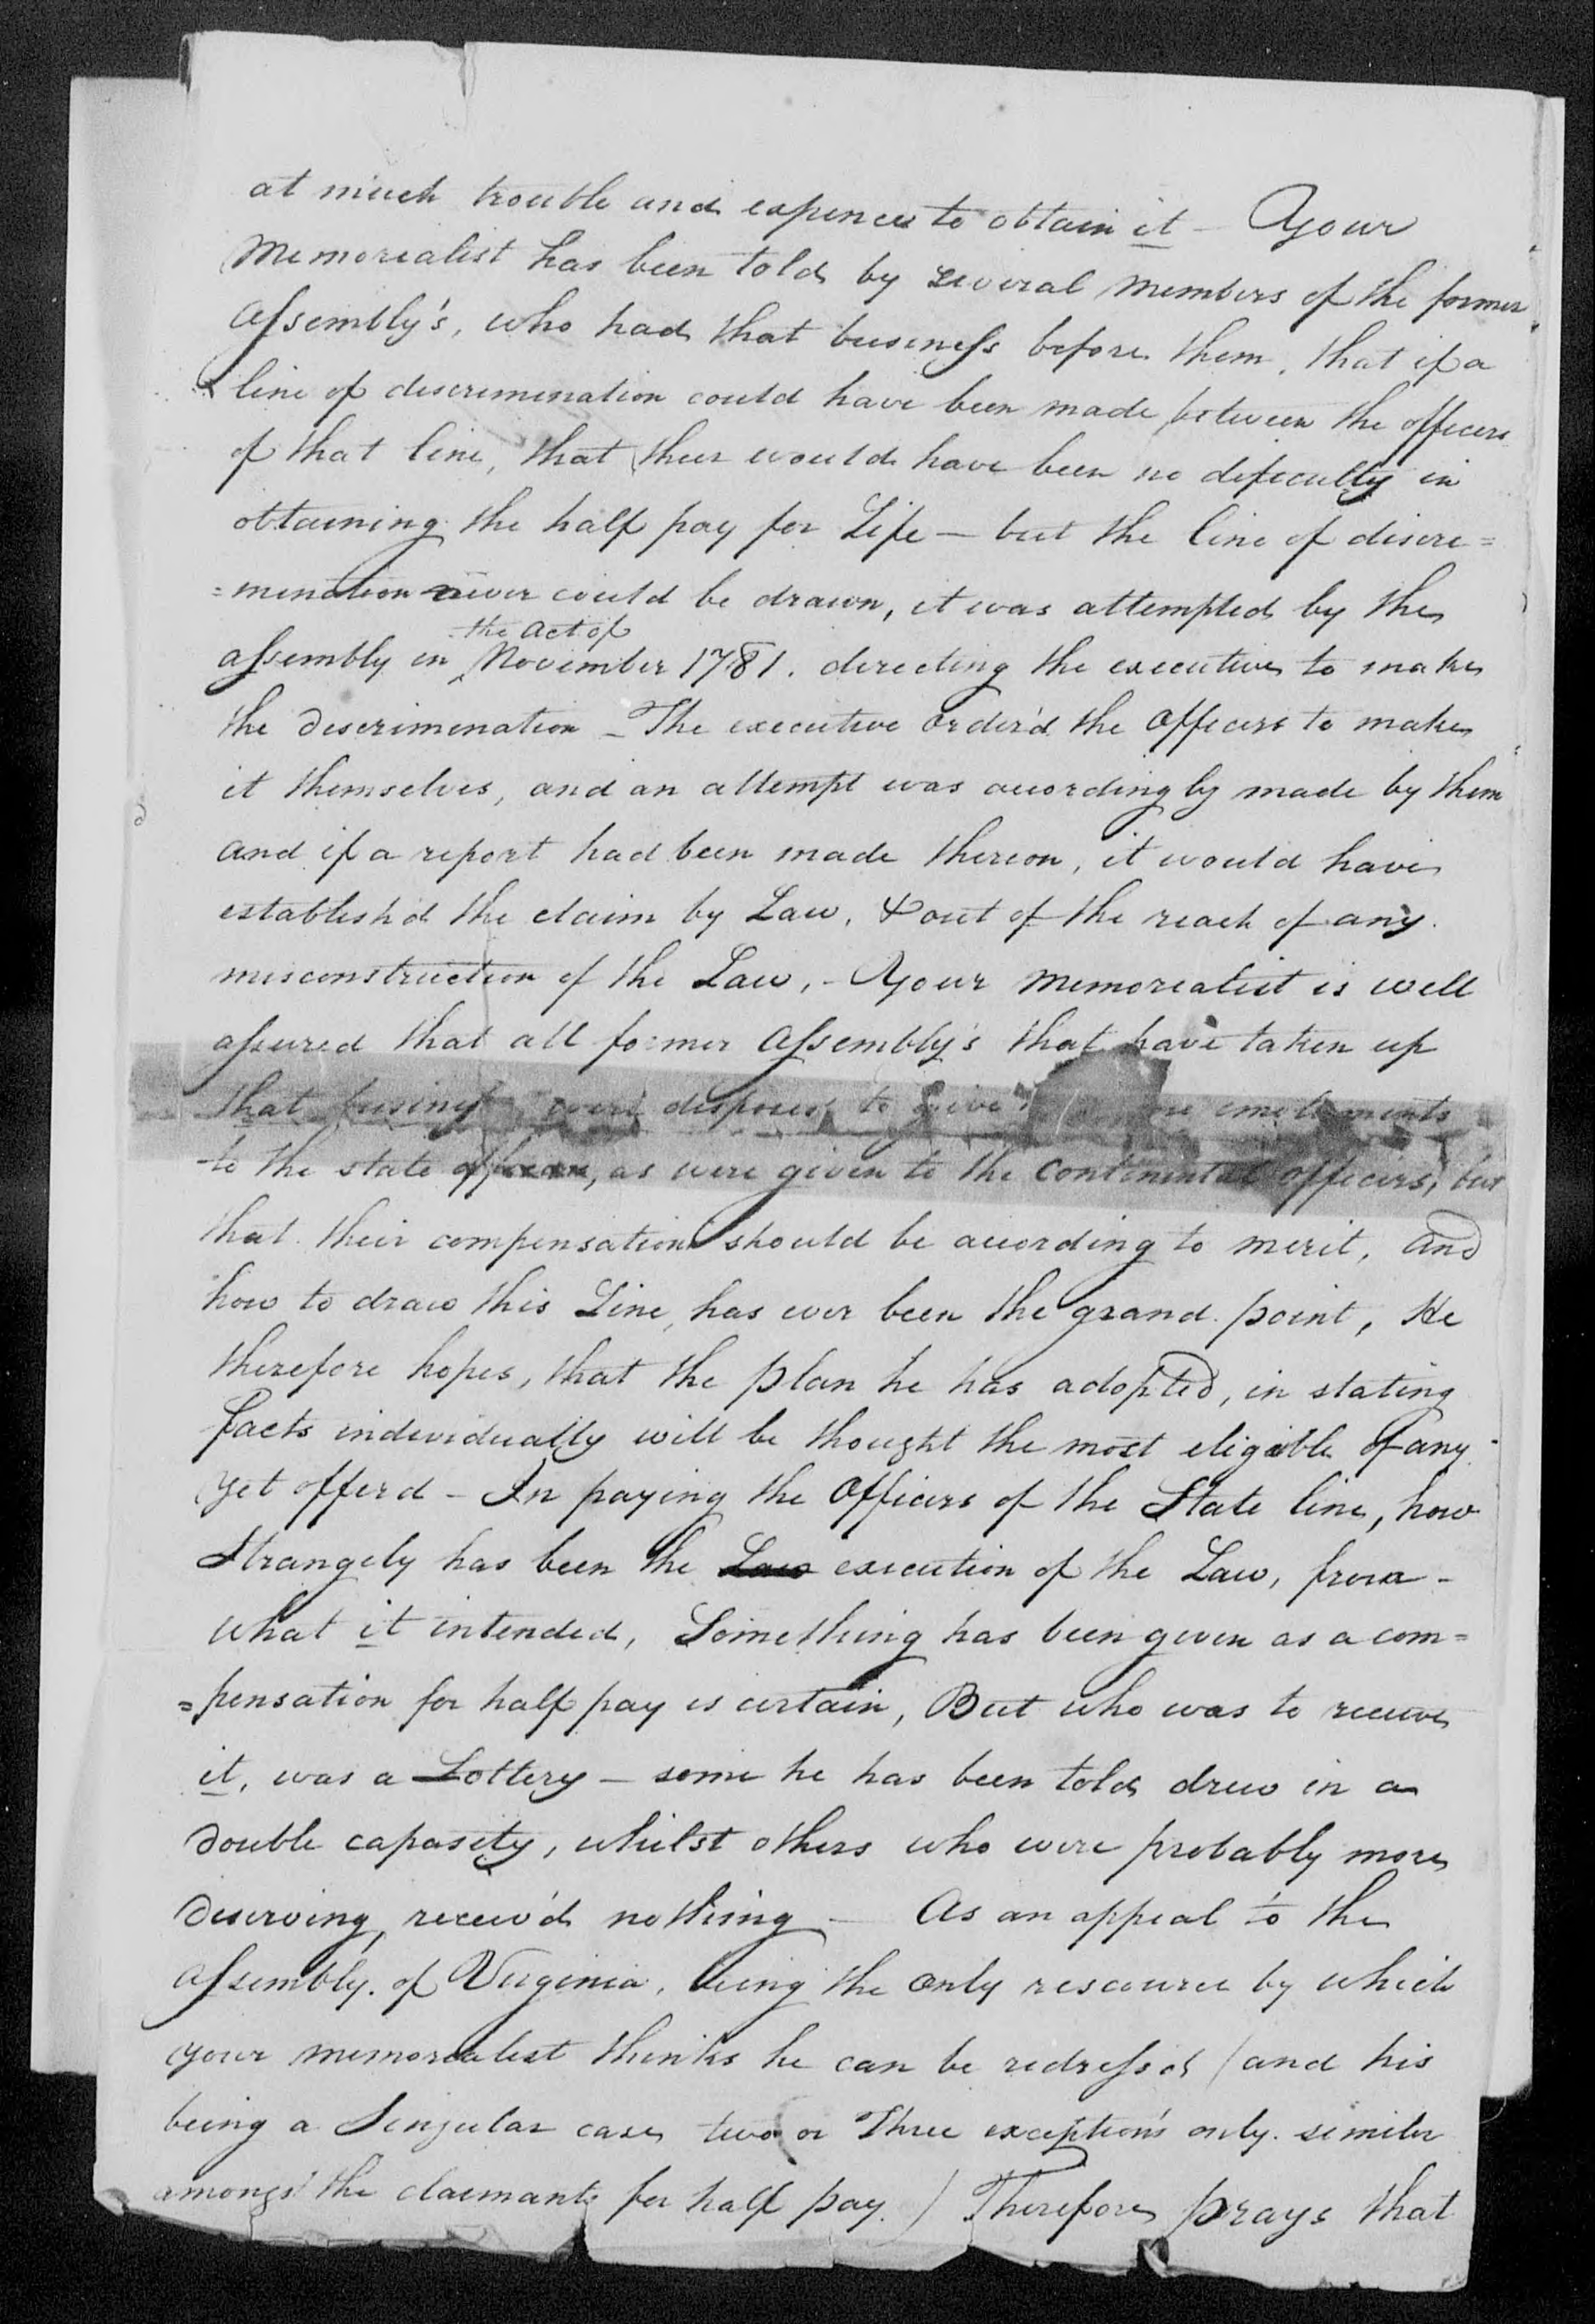at much trouble and expenses to obtain it [underlined].  Your Memorialist has been told by  several members of the former Assembly's, who had that business before them, that if a line of discrimination could have been made between the officers of that line, that their would have been no dificulty in obtaining the half pay for Life --- but the line of discrimination   never could be drawn, it was attempted by the Assembly in [insert] the Act of [end insert] November 1781,. directing the executive to make the discrimination __ The executive ordered the officers to make it themselves, and an attempt was accordingly made by them and if a report had been made thereon, it would have established the claim by Law. +[and] out of the reach of any misconstruction of the Law,.  Your Memorialist is well assured that all former Assembly's that have taken up that business and disposed to give [illrgible word(s)] emoluments to the state [cross out begin] officers [cross out end], as were given to the continental officers, but that their compensation should be according to merit, and how to draw this line has ever been the grand point,  He therefore hopes, that the plan he has adopted, in stating facts individually will be thought the most eligible of any yet offer'd -- In paying the officers of the State line, how Strangely has been the [cross out begin] Law [cross out end] assertion of the Law, from what it intended,  Something has been given as a compensation for half pay is certain, But who was to receive it [underlined], was a Lottery  -- some he has been told drew in a double capacity, whilst others who were probably more deserving receiv'd nothing ___ As an appeal to this Assembly. of Virginia, being the only recourse by which your memorialist thinks he can be redressed / and his being a Singular case two or Three exception's only. similar amongst the claimants for half pay. /  Therefore prays that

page: 107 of 267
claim: widow's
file: W. 4,149, William Campbell, Va.